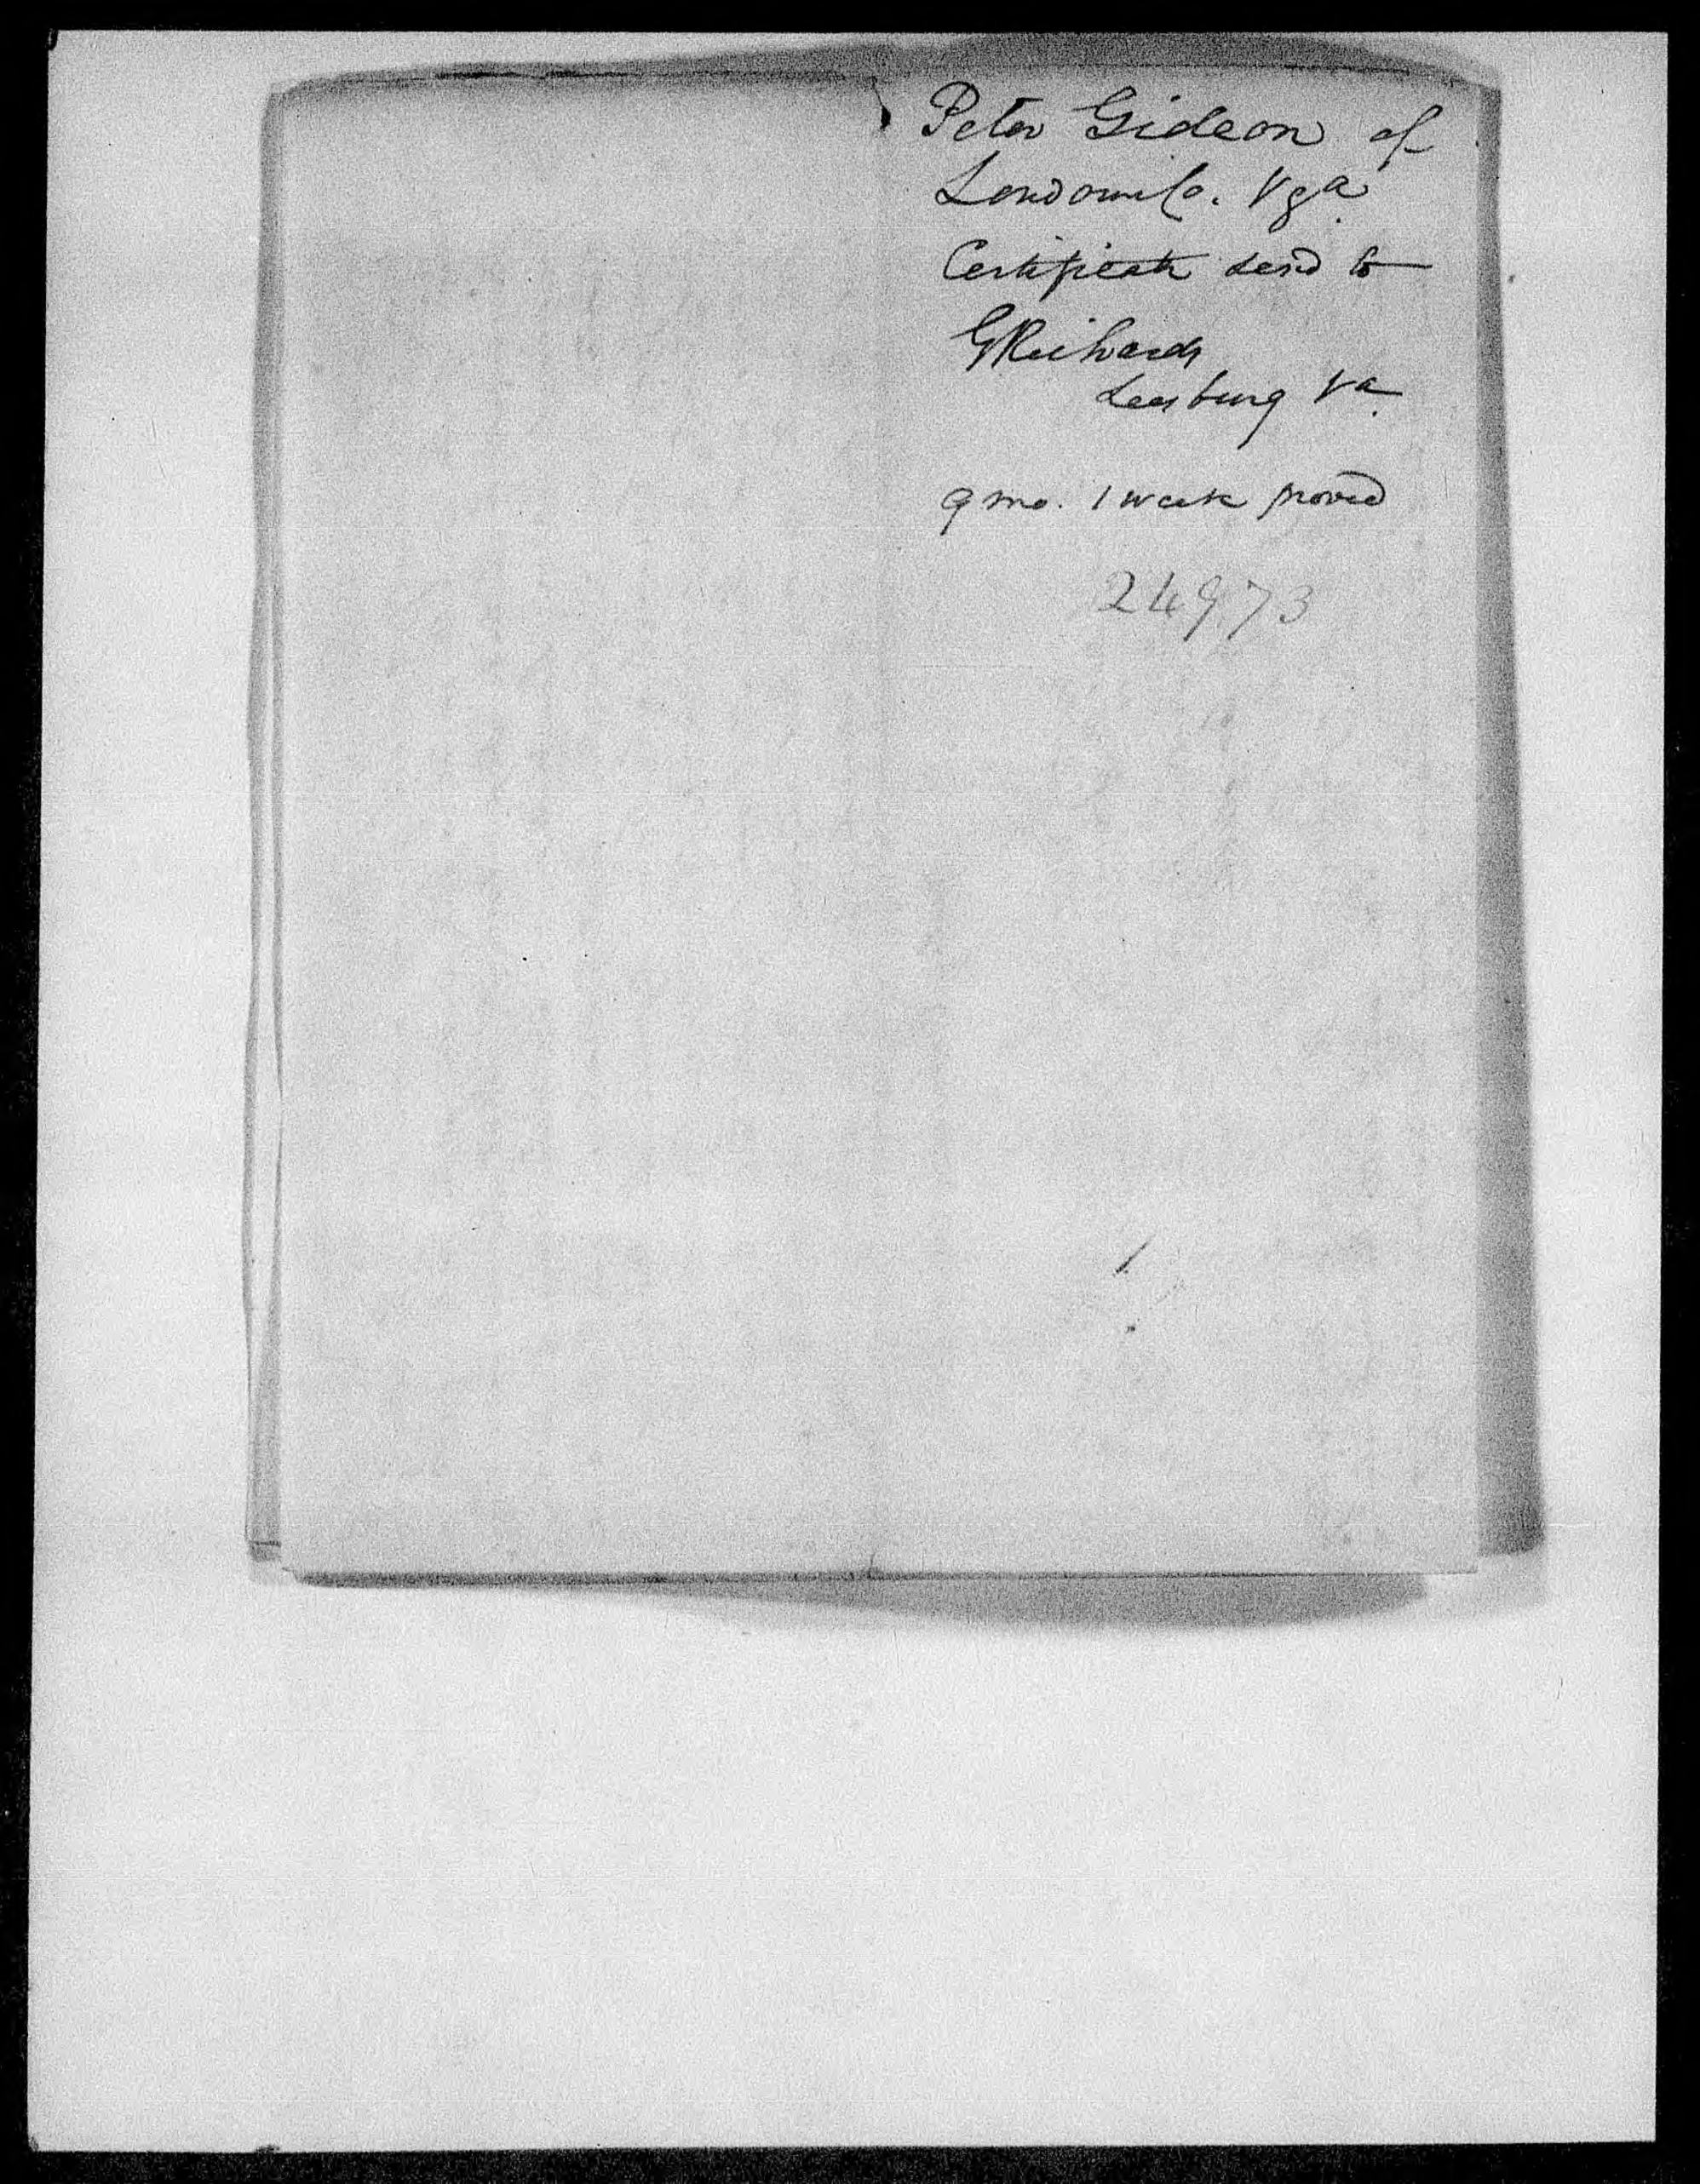Peter Gideon of
Loudoun Co. Vga.
Certificate send to
G Richards
Leesburg Va.

9 mo. 1 week proved
24973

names: G Richards, Peter Gideon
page: 5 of 64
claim: survivor's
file: S. 6887, Peter Gideon, Md.